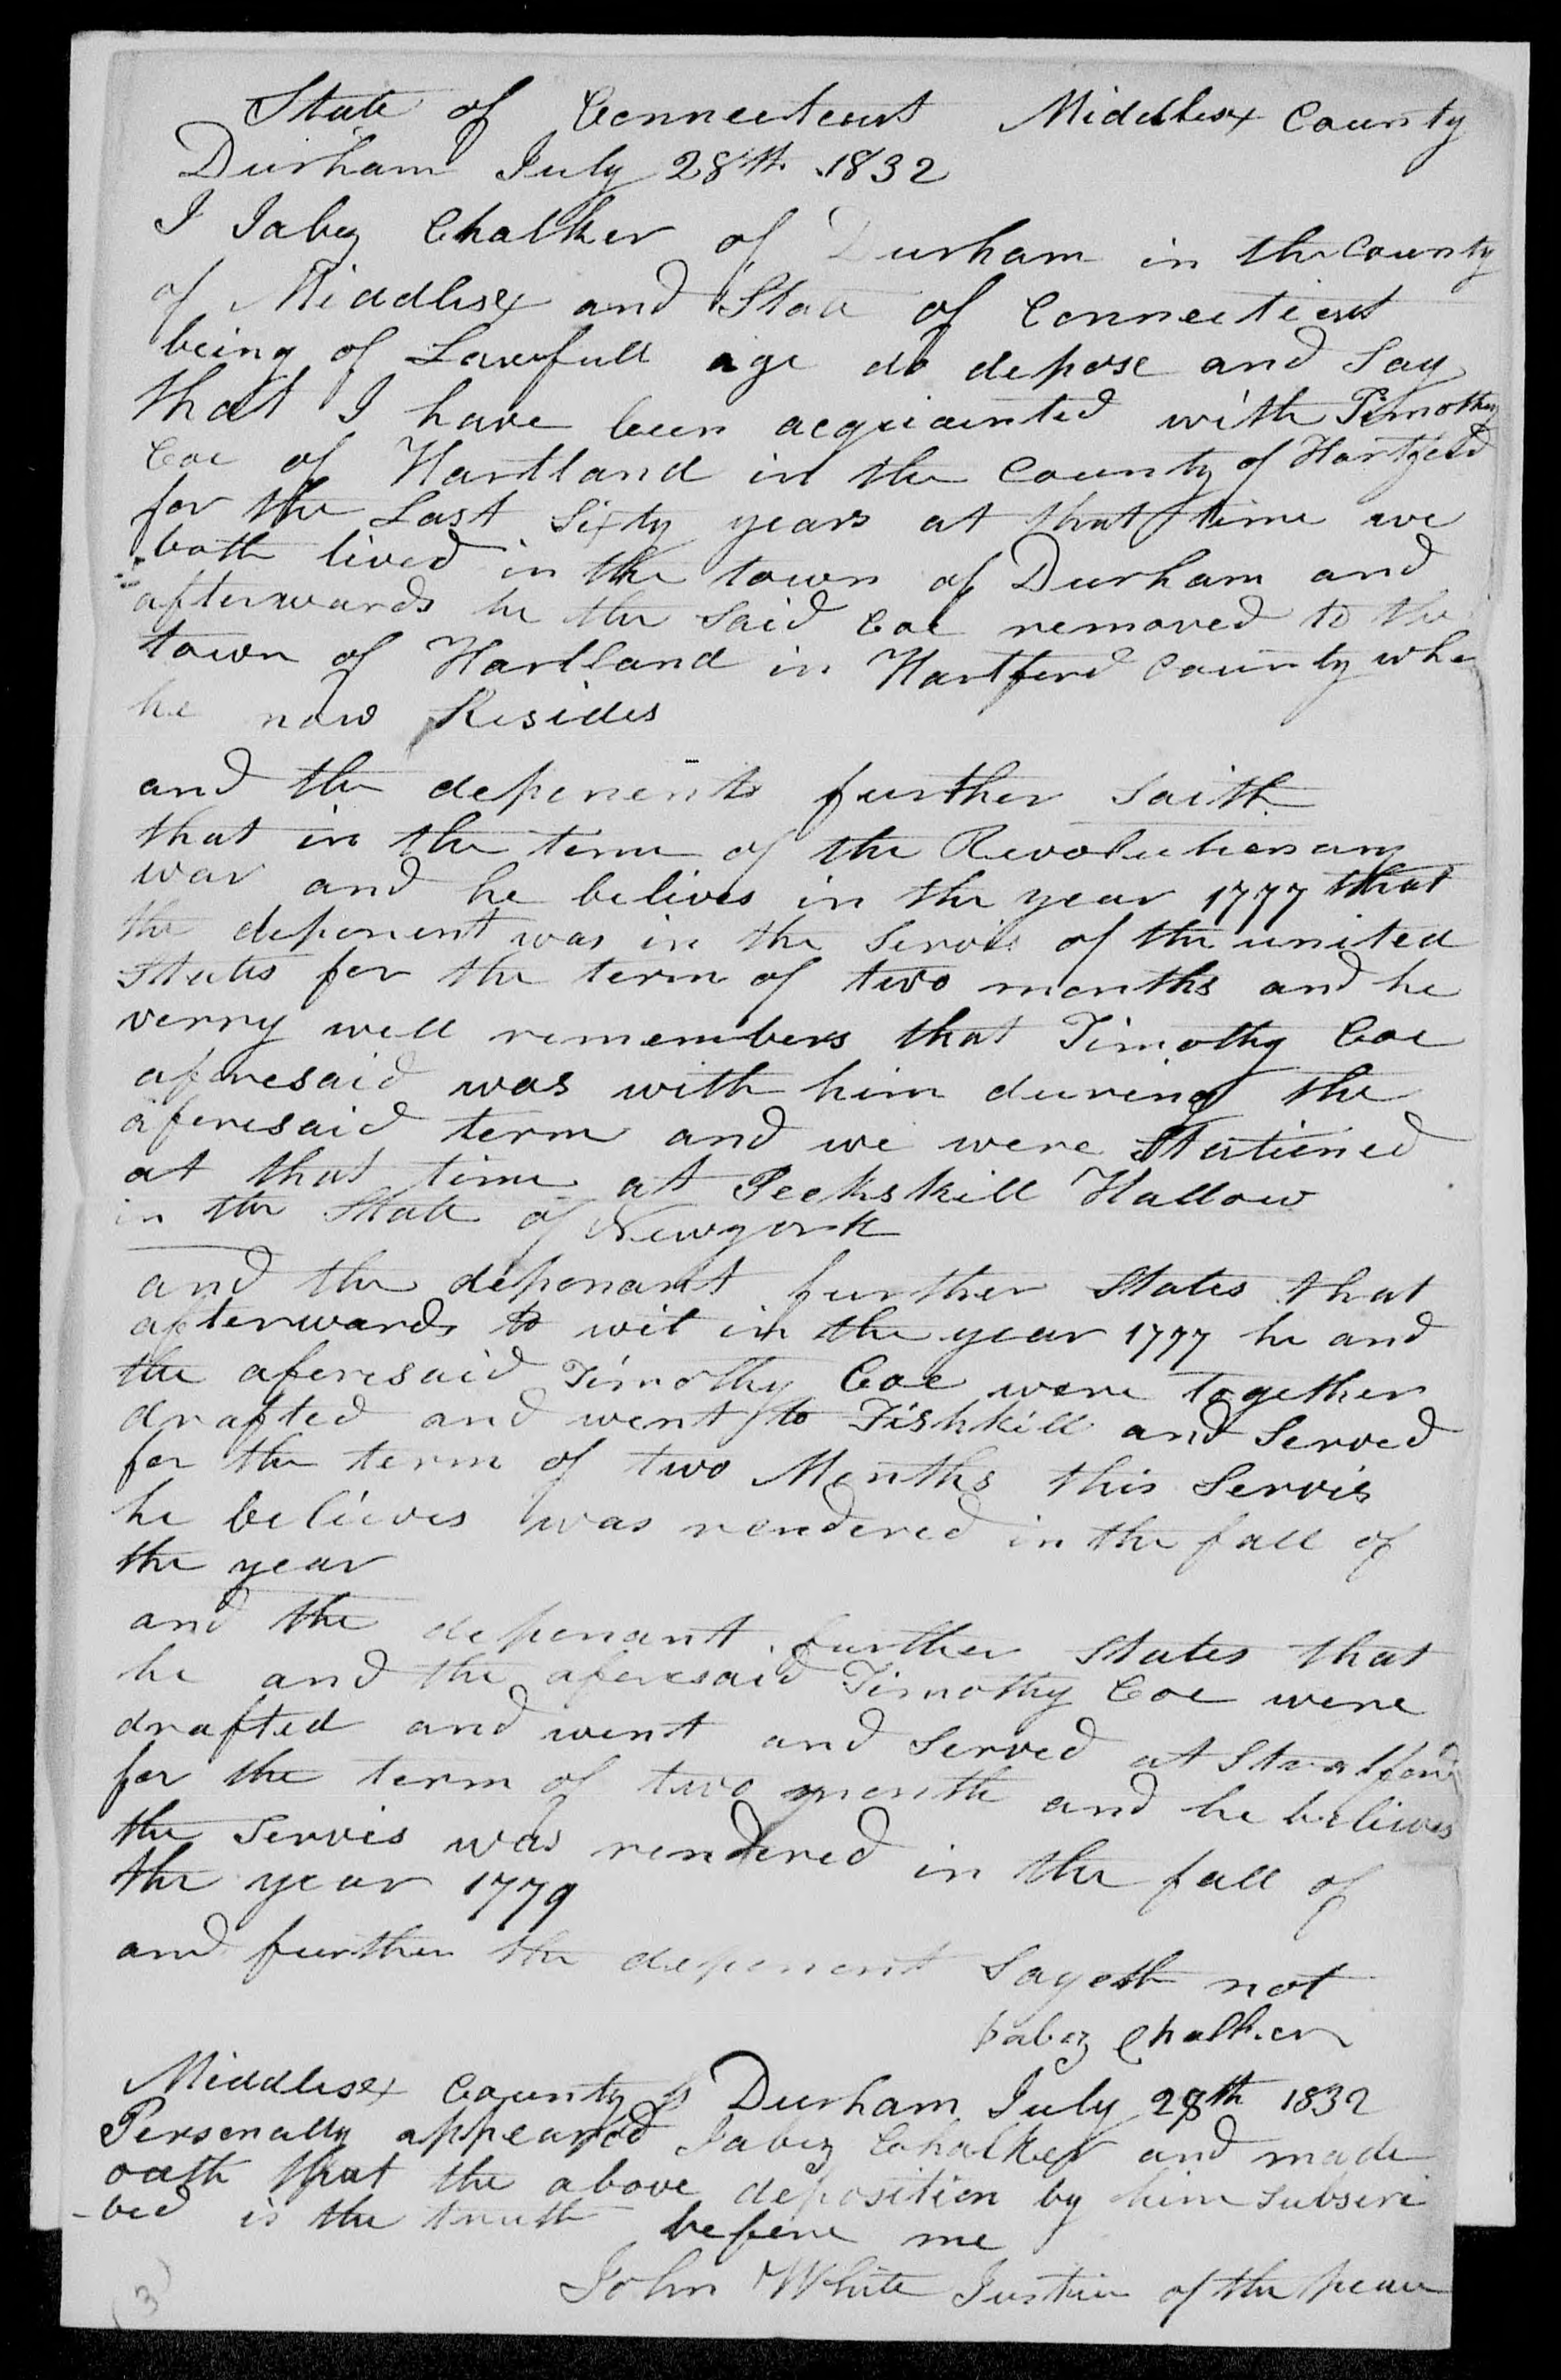State of Connecticut  Middlesex County
Durham July 28th 1832
I Jabez Chalker of Durham in the county of Middlesex and State of Connecticut being of lawful age do depose and say that I have been acquainted with Timothy Coe of Hartland in the county of Hartford for the last sixty years at that time we both lived in the town of Durham and afterwards he the said Coe removed to the town of Hartland in Hartford County where he now resides and the deponent further saith that in the time of the Revolutionary war and he believes in the year 1777 that the deponent was in the service of the United States for the term of two months and he verry well remembers that Timothy Coe aforesaid was with him during the aforesaid term and we were stationed at that time at Peckskill Hallow in the State of New York and the deponent further states that afterwards to wit in the year 1777 he ad the aforesaid Timothy Coe were together drafted and went to Fishkill and served for the term of two months this service he believes was rendered in the fall of the year and the deponent further states that he and the aforesaid Timothy Coe were drafted and went and served at Stratford for the term of two months and he believes the services was rendered in the fall of the year 1779 and further the deponent sayeth not.
Jabez Chalker

Middlesex County ss Durham July 28th 1832
Personally appeared Jabez Chalker and made oath that the above deposition by him subscribed is the truth, before me.
John White Justice of the Peace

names: Timothy Coe, Timothy Coe, Jabez Chalker, Jabez Chalker, Timothy Coe, John White, Jabez Chalker, Coe, Timothy Coe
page: 53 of 76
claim: widow's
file: W. 5,250, Timothy Coe, Conn.